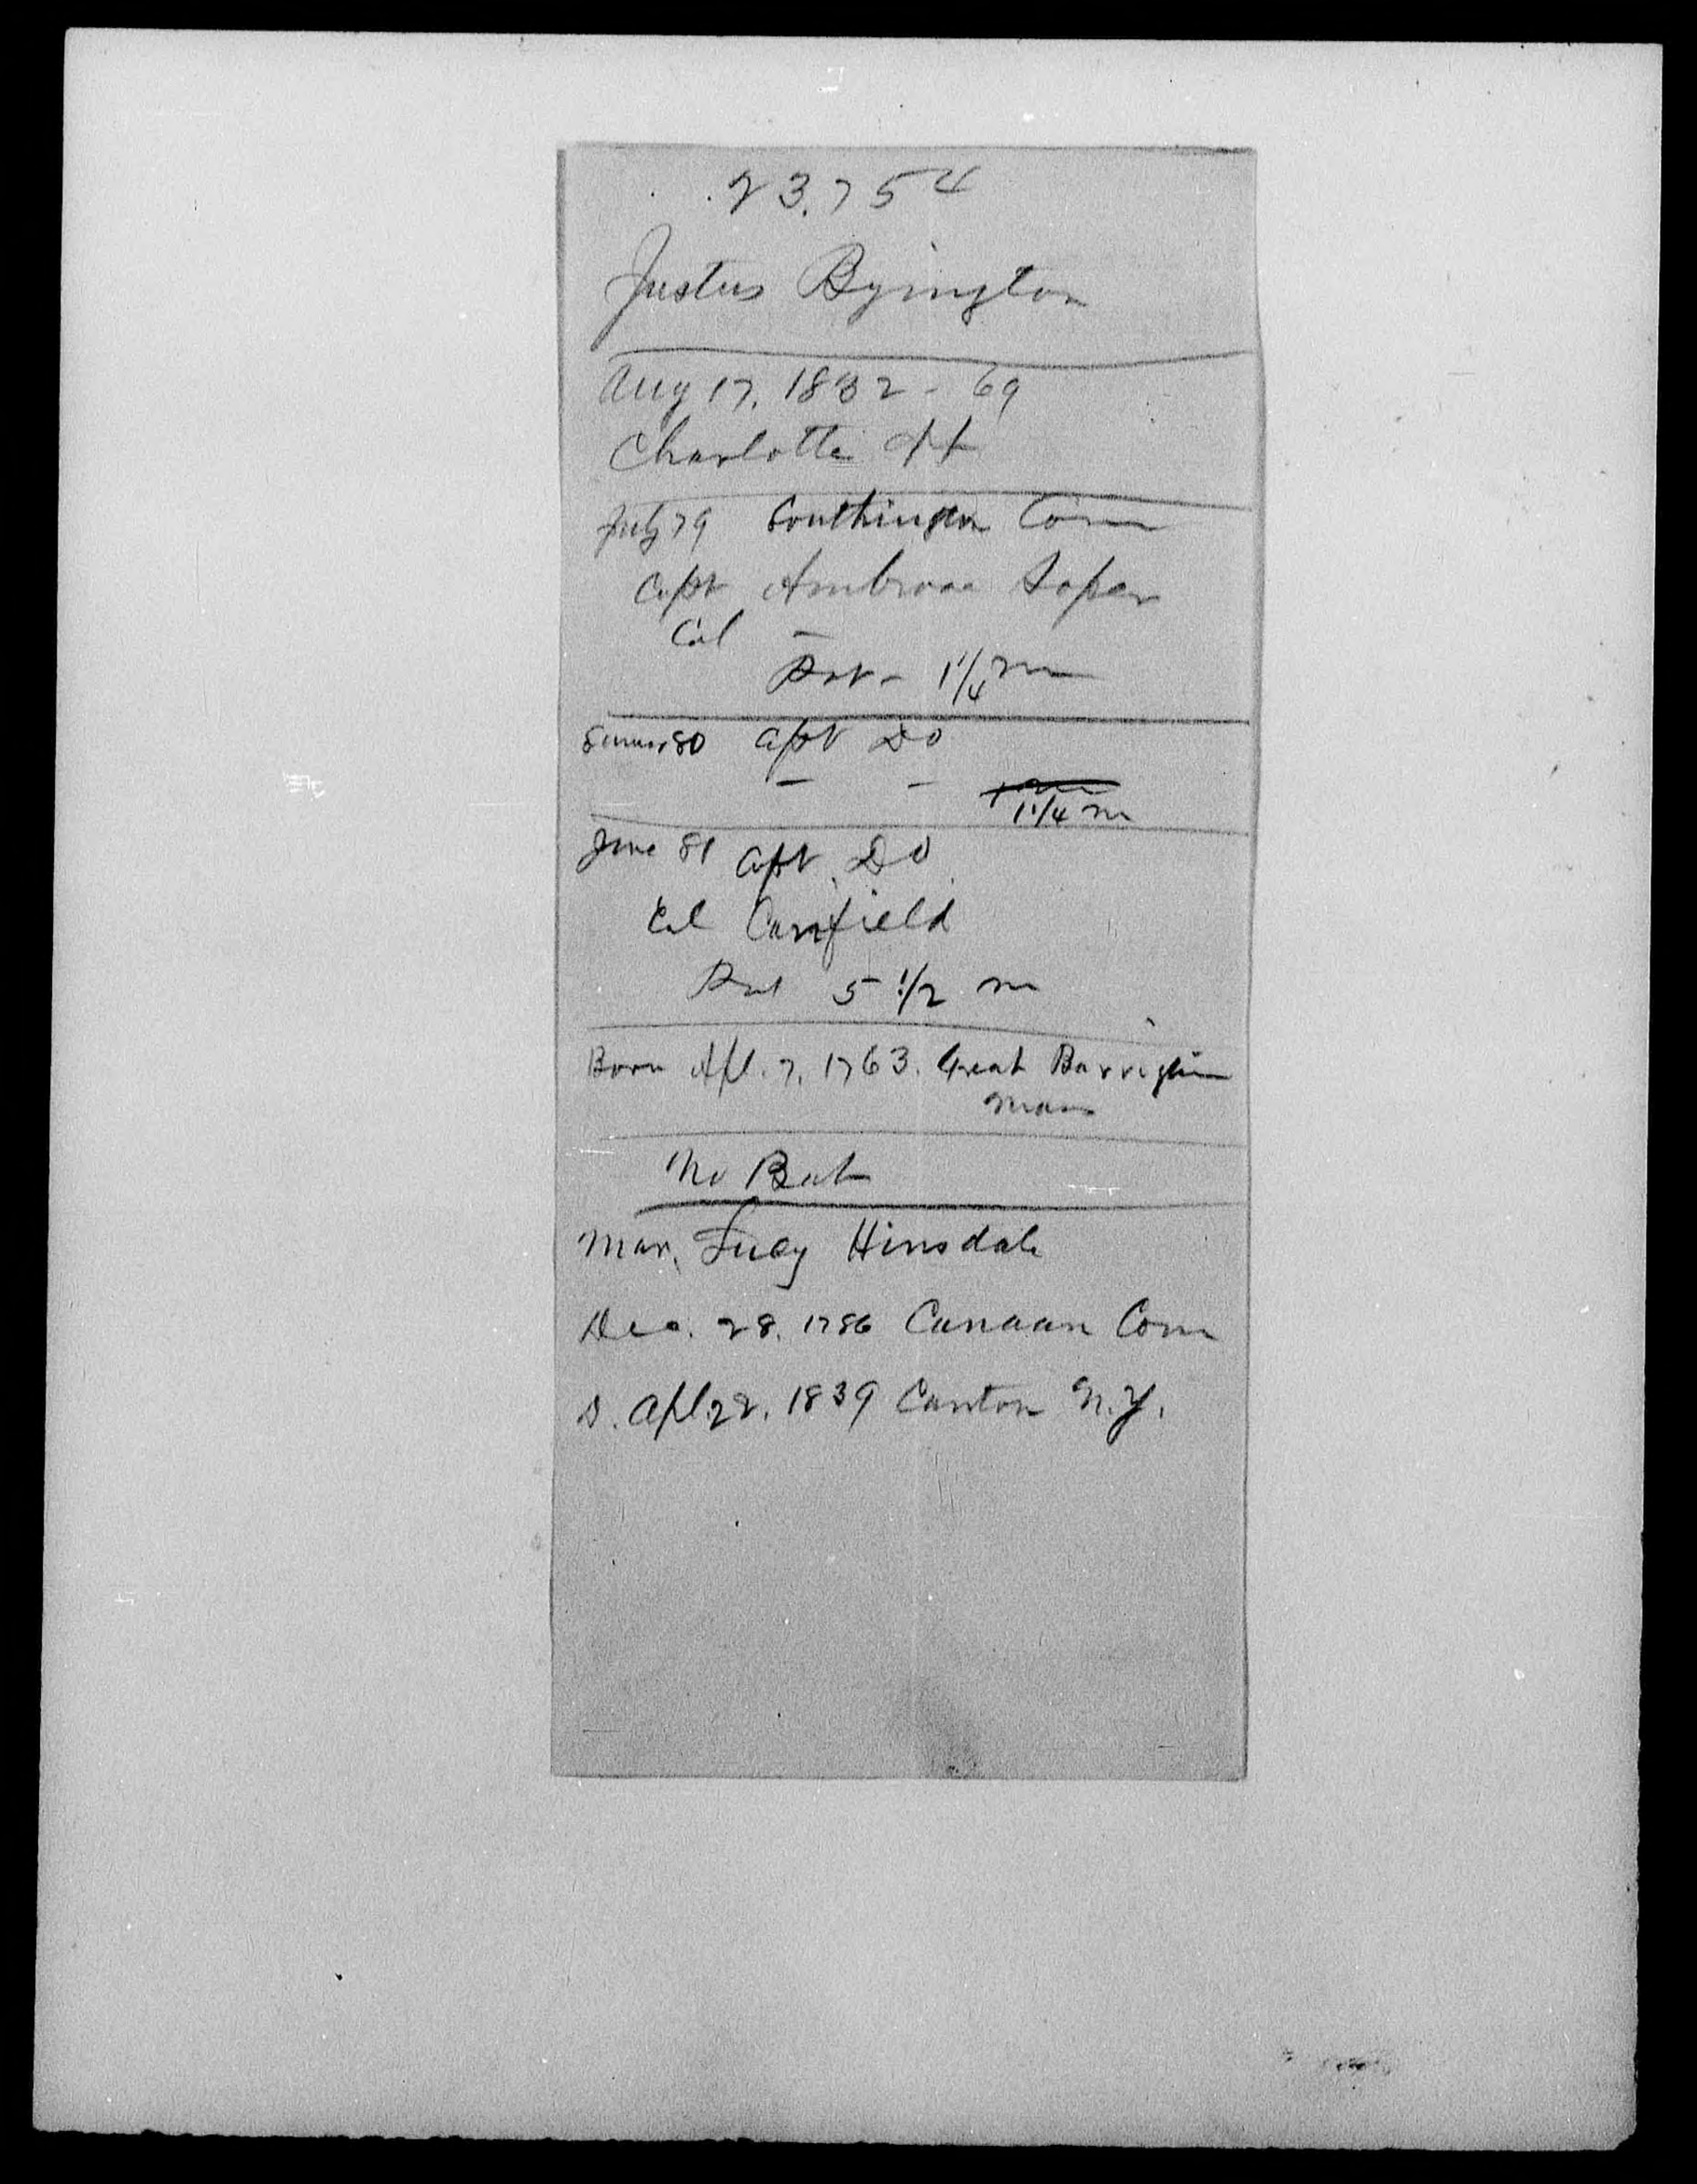23,754
Justus Byington
Aug 17, 1832-69
Charlotte app
July 79 Southington Conn
Apt Ambrose Soper
Col - 
[illegible] 1 1/4 mo
Summer 80 Apr Do 1 1/4M
June 81 Apl Do
Col Canfield
Pvt 5 1/2 m
Born Apl. 7, 1763 Great Barrington Mass
No [illegible]
Mar. Lucy Hinsdale
Dec 28, 1786 Canaan Con
D apl 28, 1839 Canton N.Y.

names: Justus Byington, Lucy Hinsdale, Ambrose Soper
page: 64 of 79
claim: widow's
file: W. 23754, Justus Byington, Conn.